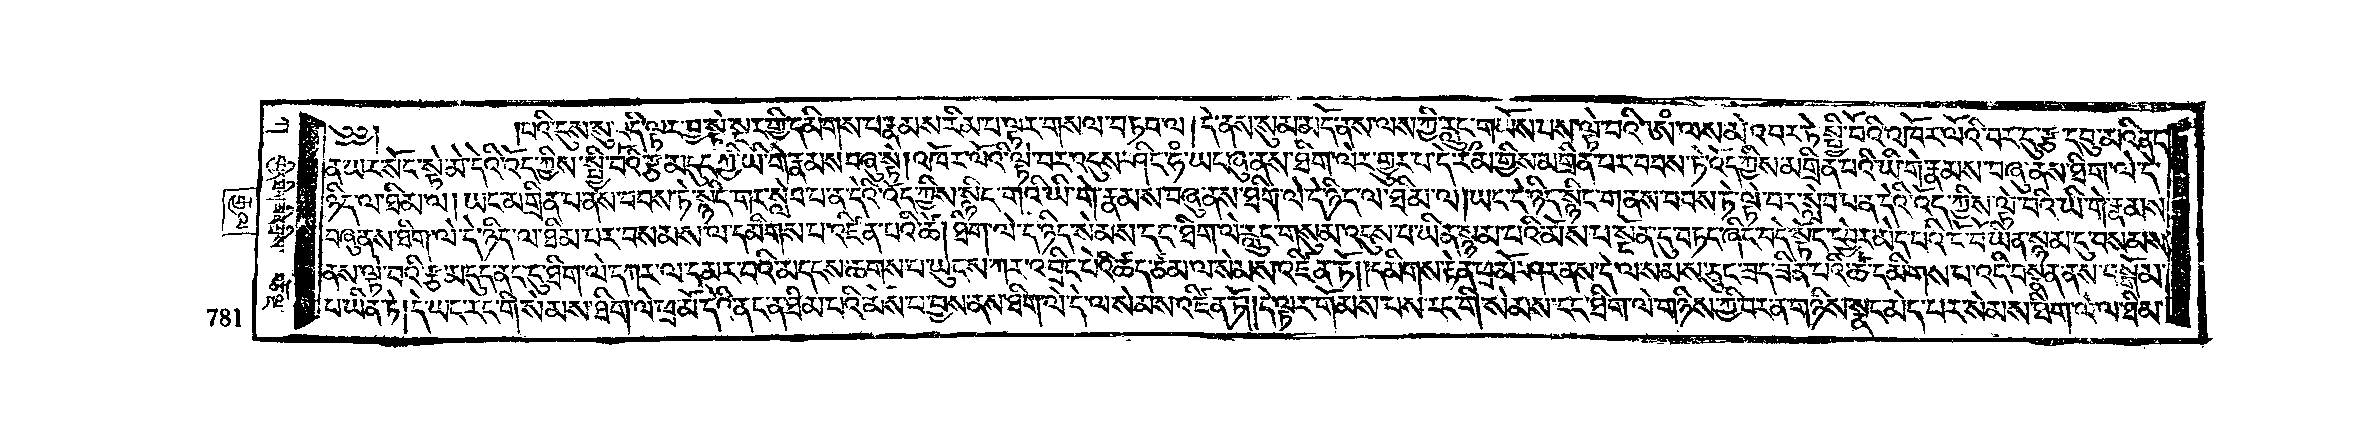༄༅། །པའི་དུས་སུ་འདི་ལྟར་བྱ་སྟེ་སྔར་གྱི་དམིགས་པ་རྣམས་རིམ་པ་ལྟར་གསལ་བཏབ་ལ། དེ་ནས་སུམ་མདོ་ནས་ལས་ཀྱི་རླུང་གཡོས་པས་ལྟེ་བའི་ཨཾ་ལས་མེ་འབར་ཏེ་སྤྱི་བོའི་འཁོར་ལོའི་བར་དུ་རྩ་དབུ་མའི་ནང་
ན་ཡང་སོང་སྟེ་མེ་དེའི་འོད་ཀྱིས་སྤྱི་བོའི་རྩ་མདུད་ཀྱི་ཡི་གེ་རྣམས་བཞུ་སྟེ། འཁོར་ལོའི་ལྟེ་བར་འདུས་ཤིང་ཧཾ་ཡང་ཞུ་ནས་ཐིག་ལེར་གྱུར་པ་དེ་རིམ་གྱིས་མགྲིན་པར་བབས་ཏེ་འོད་ཀྱིས་མགྲིན་པའི་ཡི་གེ་རྣམས་བཞུ་ནས་ཐིག་ལེ་དེ་
ཉིད་ལ་ཐིམ་ལ། ཡང་མགྲིན་པ་ནས་བབས་ཏེ་སྙིང་གར་སླེབ་པ་ན་དེའི་འོད་ཀྱིས་སྙིང་གའི་ཡི་གེ་རྣམས་བཞུ་ནས་ཐིག་ལེ་དེ་ཉིད་ལ་ཐིམ་ལ། ཡང་དེ་ཉིད་སྙིང་ག་ནས་བབས་ཏེ་ལྟེ་བར་སླེབ་པ་ན་དེའི་འོད་ཀྱིས་ལྟེ་བའི་ཡི་གེ་རྣམས་
བཞུ་ནས་ཐིག་ལེ་དེ་ཉིད་ལ་ཐིམ་པར་བསམས་ལ་དམིགས་པ་འཛིན་པའི་ཚེ། ཐིག་ལེ་དེ་ཉིད་སེམས་དང་ཐིག་ལེ་རླུང་གསུམ་འདུས་པ་ཡིན་སྙམ་པའི་མོས་པ་སྔོན་དུ་བཏང་ཞིང་བདེ་སྟོང་དབྱེར་མེད་པའི་ངོ་བོ་ཡིན་སྙམ་དུ་བསམས་
ནས་ལྟེ་བའི་རྩ་མདུད་ནང་དུ་ཐིག་ལེ་དཀར་ལ་དམར་བའི་མདངས་ཆགས་པ་ཡུངས་ཀར་འབྲིང་པེའི་ཚད་ཙམ་ལ་སེམས་འཛིན་ཏོ། །དམིགས་རྟེན་ཕྲ་མོ་ཤར་ནས་དེ་ལ་སེམས་ཅུང་ཟད་ཟིན་པའི་ཚེ་དམིགས་པ་འདི་བསྣན་ནས་བསྒོམ་
པ་ཡིན་ཏེ། དེ་ཡང་རང་གི་སེམས་ཐིག་ལེ་ཕྲ་མོ་དེའི་ནང་ན་ཐིམ་པའི་མོས་པ་བྱས་ནས་ཐིག་ལེ་དེ་ལ་སེམས་འཛིན་ཏོ། །དེ་ལྟར་གོམས་པས་རང་གི་སེམས་དང་ཐིག་ལེ་གཉིས་ཀྱི་བར་ན་གཉིས་སྣང་མེད་པར་སེམས་ཐིག་ལེ་ལ་ཐིམ་